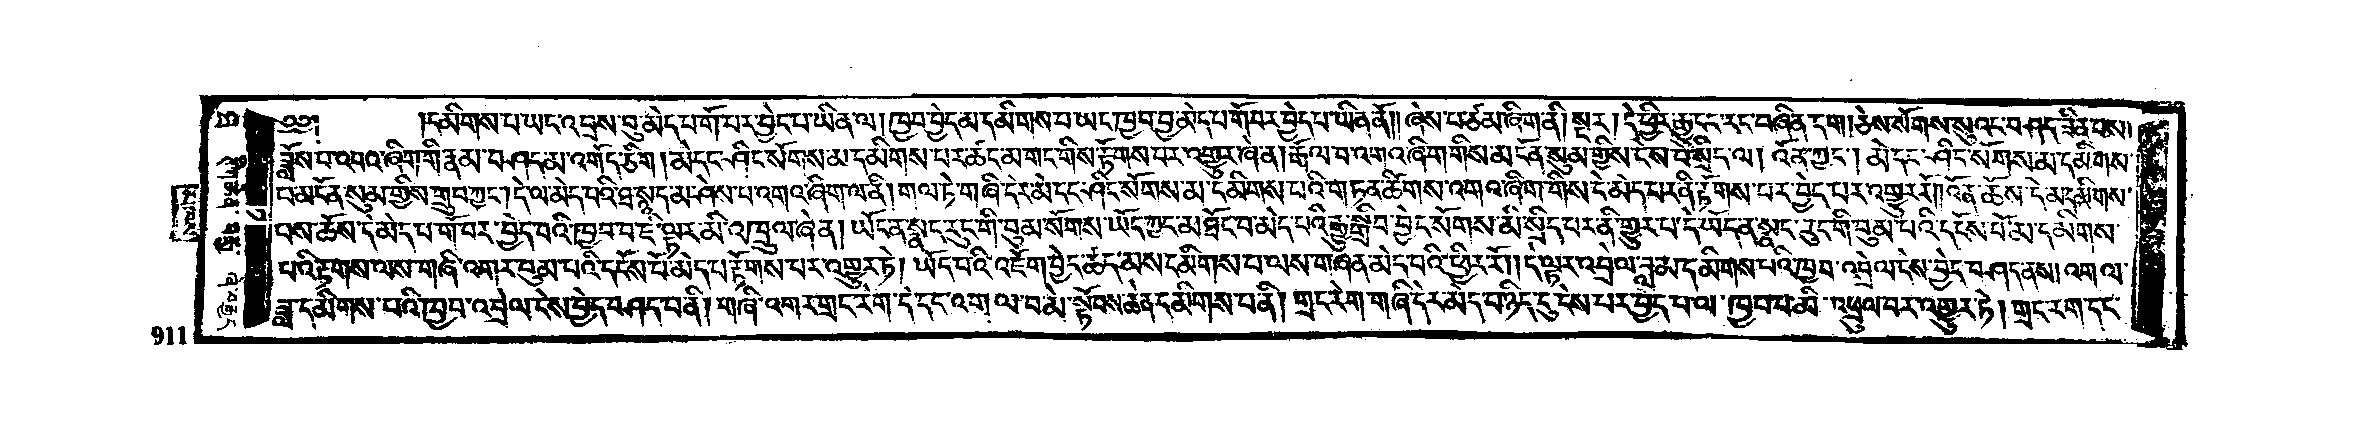༄༅། །དམིགས་པ་ཡང་འབྲས་བུ་མེད་པ་གོ་པར་བྱེད་པ་ཡིན་ལ། ཁྱབ་བྱེད་མ་དམིགས་པ་ཡང་ཁྱབ་བྱ་མེད་པ་གོ་བར་བྱེད་པ་ཡིན་ནོ། །ཞེས་པ་ཙམ་ཞིག་ནི། སྔར། དེ་ཕྱིར་རྒྱུ་དང་རང་བཞིན་དག །ཅེས་སོགས་སུའང་བཤད་ཟིན་པས།
ཟློས་པ་འབའ་ཞིག་གི་རྣམ་བཤད་མ་འགོད་ཅིག །མེ་དང་ཤིང་སོགས་མ་དམིགས་པར་ཚད་མ་གང་གིས་རྟོགས་པར་འགྱུར་ཞེ་ན། རྒོལ་བ་འགའ་ཞིག་གིས་མངོན་སུམ་གྱིས་ངེས་པ་སྲིད་ལ། འོན་ཀྱང་། མེ་དང་ཤིང་སོགས་མ་དམིགས་
པ་མངོན་སུམ་གྱིས་གྲུབ་ཀྱང་། དེ་ལ་མེད་པའི་ཐ་སྙད་མ་ཤེས་པ་འགའ་ཞིག་ལ་ནི། གལ་ཏེ་གཞི་དེར་མེ་དང་ཤིང་སོགས་མ་དམིགས་པའི་གཏན་ཚིགས་འགའ་ཞིག་གིས་དེ་མེད་པར་ནི་རྟོགས་པར་བྱེད་པར་འགྱུར་རོ། །འོ་ན་ཆོས་དེ་མ་དམིགས་
པས་ཆོས་དེ་མེད་པ་གོ་བར་བྱེད་བའི་ཁྱབ་པ་ཇི་ལྟར་མི་འཁྲུལ་ཞེ་ན། ཡོད་ན་སྣང་རུང་གི་བུམ་སོགས་ཡོད་ཀྱང་མཐོང་བ་མེད་པའི་རྒྱུ་སྒྲིབ་བྱེད་སོགས་མི་སྲིད་པར་ནི་གྱུར་པ་དེ་ཡོད་ན་སྣང་རུང་གི་བུམ་པའི་དངོས་པོ་མ་དམིགས་
པའི་རྟགས་ལས་གཞི་འགར་བུམ་པའི་དངོས་པོ་མེད་པ་རྟོགས་པར་འགྱུར་ཏེ། ཡོད་པའི་འཇོག་བྱེད་ཚད་མས་དམིགས་པ་ལས་གཞན་མེད་པའི་ཕྱིར་རོ། །དེ་ལྟར་འབྲེལ་ཟླ་མ་དམིགས་པའི་ཁྱབ་འབྲེལ་ངེས་བྱེད་བཤད་ནས། འགལ་
ཟླ་དམིགས་པའི་ཁྱབ་འབྲེལ་ངེས་བྱེད་བཤད་པ་ནི། གཞི་འགར་གྲང་རེག་དེ་དང་འགལ་བ་མེ་སྟོབས་ཆེན་དམིགས་པ་ནི། གྲང་རེག་གཞི་དེར་མེད་པ་ཉིད་དུ་ངེས་པར་བྱེད་པ་ལ་ཁྱབ་པ་མི་འཕྲུལ་བར་འགྱུར་ཏེ། གྲང་རག་དང་